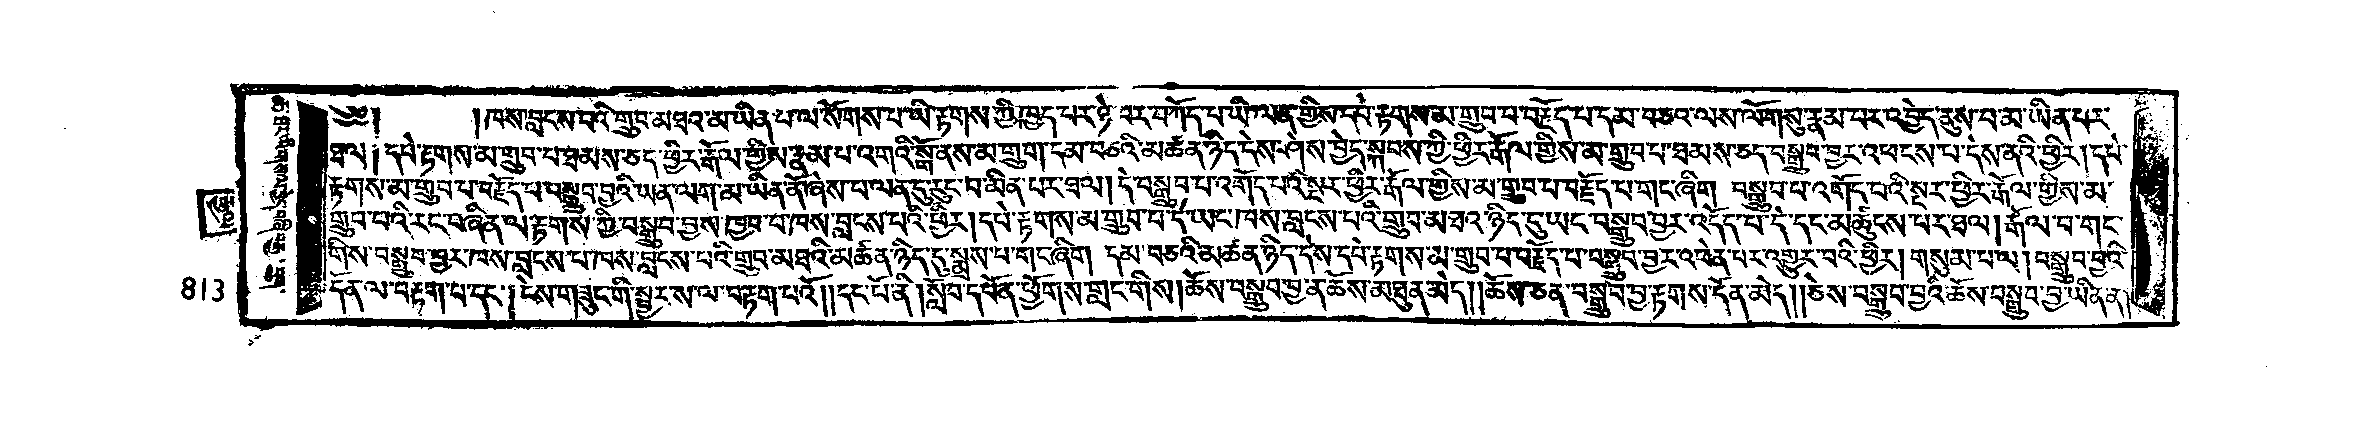༄༅། །ཁས་བླངས་པའི་གྲུབ་མཐའ་མ་ཡིན་པ་ལ་སོགས་པ་ཡི་རྟགས་ཀྱི་ཁྱད་པར་ཉེ་བར་བཀོད་པ་ཡི་ལན་གྱིས་དཔེ་རྟགས་མ་གྲུབ་པ་བརྗོད་པ་དམ་བཅའ་ལས་ལོགས་སུ་རྣམ་པར་འབྱེད་ནུས་པ་མ་ཡིན་པར་
ཐལ། དཔེ་རྟགས་མ་གྲུབ་པ་ཐམས་ཅད་ཕྱིར་རྒོལ་གྱིས་རྣམ་པ་འགའི་སྒོ་ནས་མ་གྲུབ། དམ་བཅའི་མཚན་ཉིད་དེས་ཤེས་བྱེད་སྐབས་ཀྱི་ཕྱིར་རྒོལ་གྱིས་མ་གྲུབ་པ་ཐམས་ཅད་བསྒྲུབ་བྱར་འཕངས་པ་དེས་ནའི་ཕྱིར། དཔེ་
རྟགས་མ་གྲུབ་པ་བརྗོད་པ་བསྒྲུབ་བྱའི་ཡན་ལག་མ་ཡིན་ནོ་ཞེས་པ་ལན་དུ་རུང་བ་མིན་པར་ཐལ། དེ་བསྒྲུབ་པ་འགོད་པའི་སྔར་ཕྱིར་རྒོལ་གྱིས་མ་གྲུབ་པ་བརྗོད་པ་གང་ཞིག་བསྒྲུབ་པ་འགོད་པའི་སྔར་ཕྱིར་རྒོལ་གྱིས་མ་
གྲུབ་པའི་རང་བཞིན་ལ་རྟགས་ཀྱི་བསྒྲུབ་བྱས་ཁྱབ་པ་ཁས་བླངས་པའི་ཕྱིར། དཔེ་རྟགས་མ་གྲུབ་པ་དེ་ཡང་ཁས་བླངས་པའི་གྲུབ་མཐའ་ཉིད་དུ་ཡང་བསྒྲུབ་བྱར་འདོད་པ་དེ་དང་མཚུངས་པར་ཐལ། རྒོལ་བ་གང་
གིས་བསྒྲུབ་བྱར་ཁས་བླངས་པ་ཁས་བླངས་པའི་གྲུབ་མཐའི་མཚན་ཉིད་དུ་སྨྲས་པ་གང་ཞིག་དམ་བཅའི་མཚན་ཉིད་དེས་དཔེ་རྟགས་མ་གྲུབ་པ་བརྗོད་པ་བསྒྲུབ་བྱར་འཕེན་པར་འགྱུར་བའི་ཕྱིར། གསུམ་པ་ལ། བསྒྲུབ་བྱའི་
དོན་ལ་བརྟག་པ་དང་། དེས་གཟུང་གི་སྦྱར་ས་ལ་བརྟག་པའོ། །དང་པོ་ནི། སློབ་དཔོན་ཕྱོགས་གླང་གིས། ཆོས་བསྒྲུབ་བྱ་ན་ཆོས་མཐུན་མེད། །ཆོས་ཅན་བསྒྲུབ་བྱ་རྟགས་དོན་མེད། །ཅེས་བསྒྲུབ་བྱའི་ཆོས་བསྒྲུབ་བྱ་ཡིན་ན།